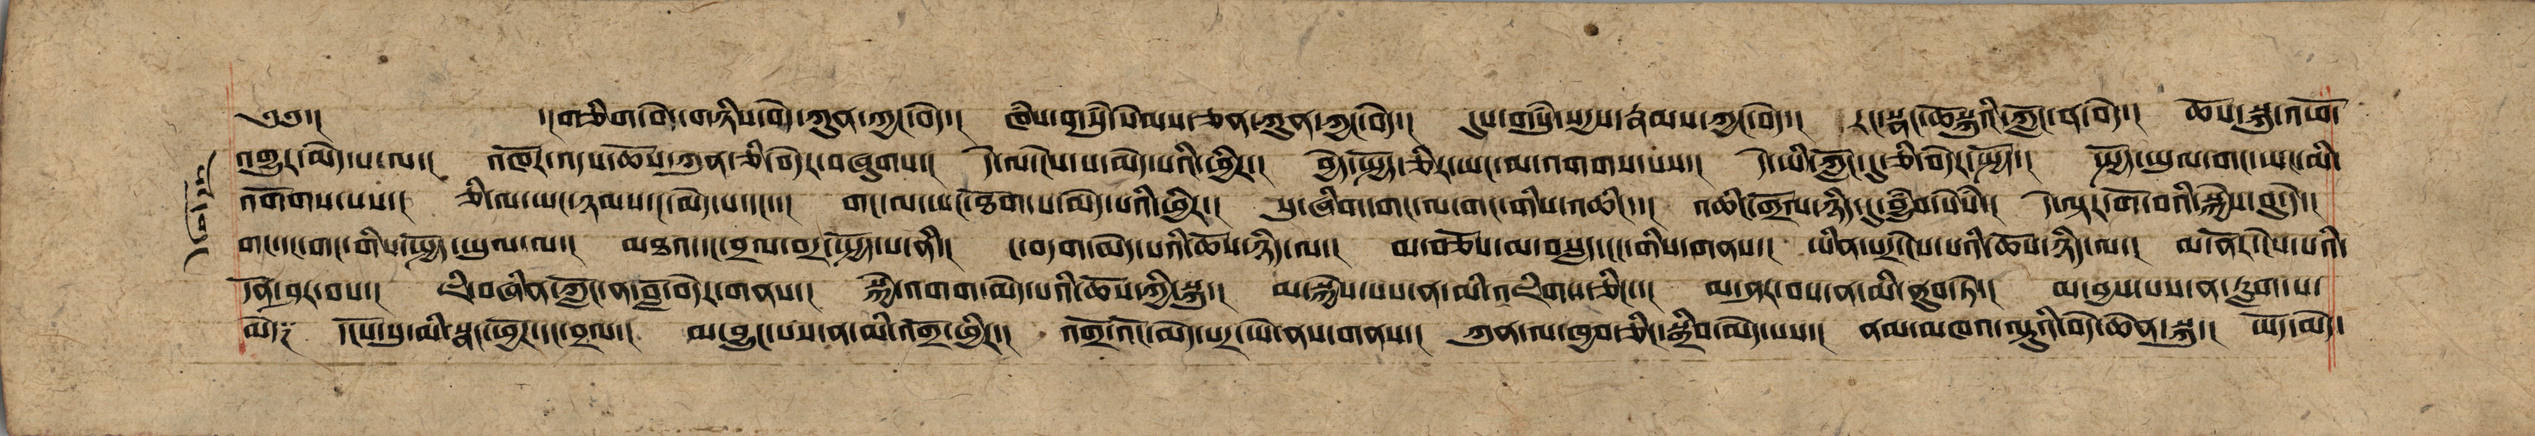༄༅་། ་།གཅིག་བདེ་གཉིས་བདེ་ཀུན་ཀྱང་བདེ་། ཁཾས་གསུཾ་སེམས་ཅན་ཀུན་ཀྱང་བདེ་། དུས་གསུཾ་སདྱས་རྣམས་ཀྱང་བདེ་། རང་སྣང་ཆོསྐུའི་ཀློང་ན་བདེ་། ཆོས་སྐུ་འཕོ་
འགྱུར་མེད་པ་ལ་། འཁོར་འདས་ཆོས་ཀུན་ཅི་བདེར་བཞུགས་། དེ་ལ་ངེས་པ་མེད་པའི་ཕྱིར་། བྱེད་སྤྱོད་ཅིར་ཡང་མ་འགགས་པས་། དེ་ཡི་ཀློང་དུ་ཅི་བདེར་སྤྱོད་། སྤྱོད་ཡུལ་གང་ཡང་མི་
འགོགས་པས་། ཅི་ལ་ཡང་ཉམས་ང་མེད་པ་དང་། གང་ལ་ཡང་ཐོག་པ་མེད་པའི་ཕྱིར་། སུ་ཞིག་གང་ལ་གང་གིས་འཆིང་་། འཆིང་གྲོལ་ཉིད་དུ་བྱུཾབ་སེཾས་། དེ་ལྟར་གོ་བའི་སྐྱེས་བུ་དེ་།
གང་དང་གང་གིས་སྤྱོད་ཡུལ་ལ་། མཐའ་དང་བྲལ་བར་སྤྱོད་པ་ནི་། ང་བདག་མེད་པའི་ཆོས་ཉིད་ལ་། མ་བཅོས་མ་བསླད་ངང་གིས་གནས་། ཡིན་པར་ངེས་པའི་ཆོས་ཉིད་ལ་། མ་ནོར་ངེས་པའི་
དོན་ཤར་བས་། ཇི་བཞིན་ཀློང་ན་བློ་བདེར་གནས་། སྐྱེ་འགག་མེད་པའི་ཆོས་ཀྱི་སྐུ་། མ་སྐྱེས་པས་ན་མི་འཇིགས་ཅིང་་། མ་ཤར་བས་ན་མི་ནུབ་ཏེ་། མ་བྱས་པས་ན་རླག་པ་
མེད༑ དངོས་སུ་མི་སྣང་ཕྱོཌ་དང་བྲལ་། མ་བྱུང་པས་ན་མི་འགྲོ་ཕྱིར་། འགྲོ་འོང་མེད་པར་ཡེ་ནས་གནས་། ཀུན་ལ་ཁྱབ་ཅིང་སྒྲིབ་མེད་པས་། ནམ་མཁའ་ལྟུའི་བདེ་ཆེན་སྐུ་། ཡོད་མེད་